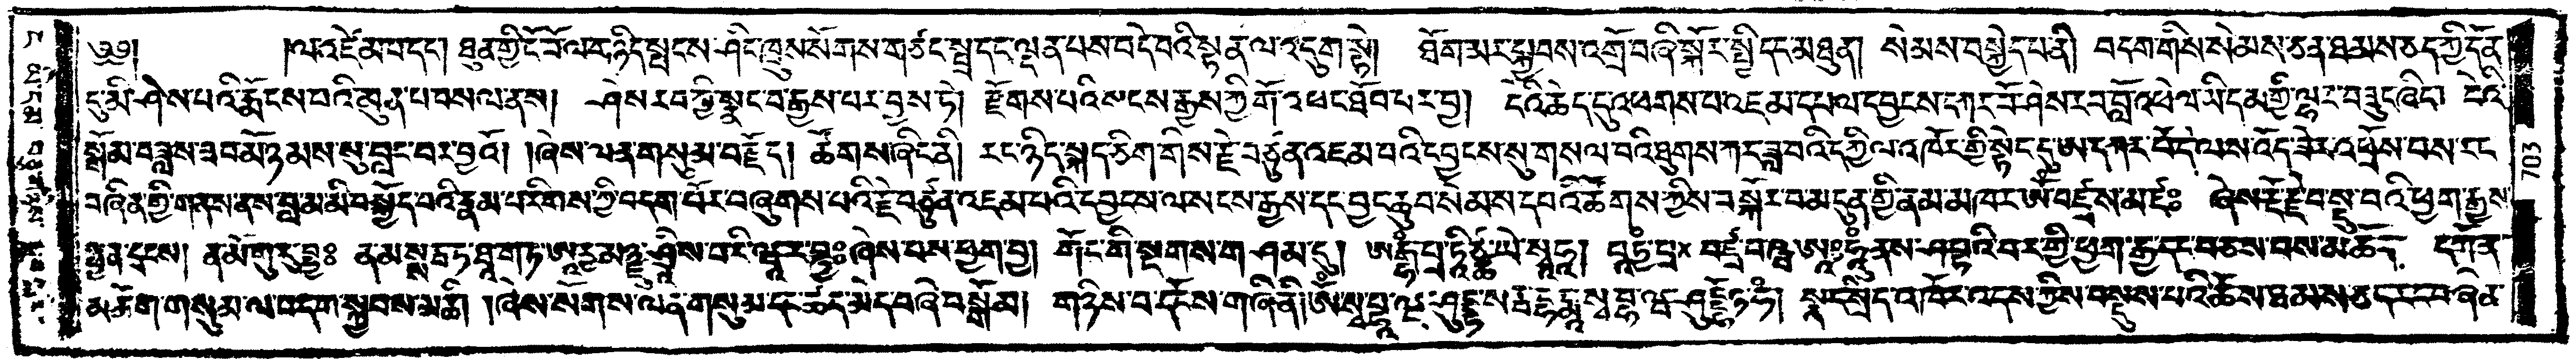༄༅། །ལ་འཛེམ་པ་དང་། ཐུན་གྱི་ངོ་བོ་ལ་གཉིད་སྤངས་ཤིང་ཁྲུས་སོགས་གཙང་སྦྲ་དང་ལྡན་པས་བདེ་བའི་སྟན་ལ་འདུག་སྟེ། ཐོག་མར་སྐྱབས་འགྲོ་བཞི་སྐོར་སྤྱི་དང་མཐུན། སེམས་བསྐྱེད་པ་ནི། བདག་གིས་སེམས་ཅན་ཐམས་ཅད་ཀྱི་དོན་
དུ་མི་ཤེས་པའི་རྨོངས་པའི་མུན་པ་བསལ་ནས། ཤེས་རབ་ཀྱི་སྣང་བ་རྒྱས་པར་བྱས་ཏེ། རྫོགས་པའི་སངས་རྒྱས་ཀྱི་གོ་འཕང་ཐོབ་པར་བྱ། དེའི་ཆེད་དུ་འཕགས་པ་འཇམ་དཔལ་དབྱངས་དཀར་པོ་ཤེས་རབ་བློ་འཕེལ་ཡི་དམ་གྱི་ལྷར་བཟུང་ཞིང་། དེའི་
སྒོམ་བཟླས་ཟབ་མོ་ཉམས་སུ་བླང་བར་བྱའོ། །ཞེས་ལན་གསུམ་བརྗོད། ཚོགས་ཞིང་ནི། རང་ཉིད་སྐད་ཅིག་གིས་རྗེ་བཙུན་འཇམ་པའི་དབྱངས་སུ་གསལ་བའི་ཐུགས་ཀར་ཟླ་བའི་དཀྱིལ་འཁོར་གྱི་སྟེང་དུ་ཨ་དཀར་པོ་དེ་ལས་འོད་ཟེར་འཕྲོས་པས་རང་
བཞིན་གྱི་གནས་ནས་བླ་མ་མི་བསྐྱོད་པའི་རྣམ་པ་རིགས་ཀྱི་བདག་པོར་བཞུགས་པའི་རྗེ་བཙུན་འཇམ་པའི་དབྱངས་ལ་སངས་རྒྱས་དང་བྱང་ཆུབ་སེམས་དཔའི་ཚོགས་ཀྱིས་བསྐོར་བ་མདུན་གྱི་ནམ་མཁར་ཨོཾ་བཛྲ་ས་མཛཿ ཞེས་རྡོ་རྗེ་བསྡུ་བའི་ཕྱག་རྒྱས་
སྤྱན་དྲངས། ན་མོ་གུ་རུ་བྷྱཿ ན་མ་སྶརྦ་ཏ་ཐཱ་ག་ཏ་ཨཱརྱ་མཉྫུ་ཤཱི་ས་པ་རི་ཝཱ་ར་བྷྱཿ ཞེས་པས་ཕྱག་བྱ། གོང་གི་སྔགས་གཤམ་དུ། ཨརྒྷཾ་པྲ་ཏཱི་ཙྪ་ཡེ་སྭཱ་ཧཱ། པཱ་ཏྱཾ་པྲ་྾་བཛྲ་པཥ་ཨཱཿ ཧཱུཾ་ནས་ཤཔྟའི་བར་གྱི་ཕྱག་རྒྱ་དང་བཅས་བས་མཆོད་དཀོན་
མཆོག་གསུམ་ལ་བདག་སྐྱབས་མཆི། །ཞེས་སོགས་ལན་གསུམ་དང་ཚད་མེད་བཞི་བསྒོམ། གཉིས་པ་དངོས་གཞི་ནི། ཨོཾ་སྭ་བྷཱ་ཝ་ཤུདྡྷ་སརྦ་དྷ་རྨཱ་སྭ་བྷ་ཝ་ཤུདྡྷོ་ཉཧཾ། སྣང་སྲིད་འཁོར་འདས་ཀྱིས་བསྡུས་པའི་ཆོས་ཐམས་ཅད་རང་བཞིན་